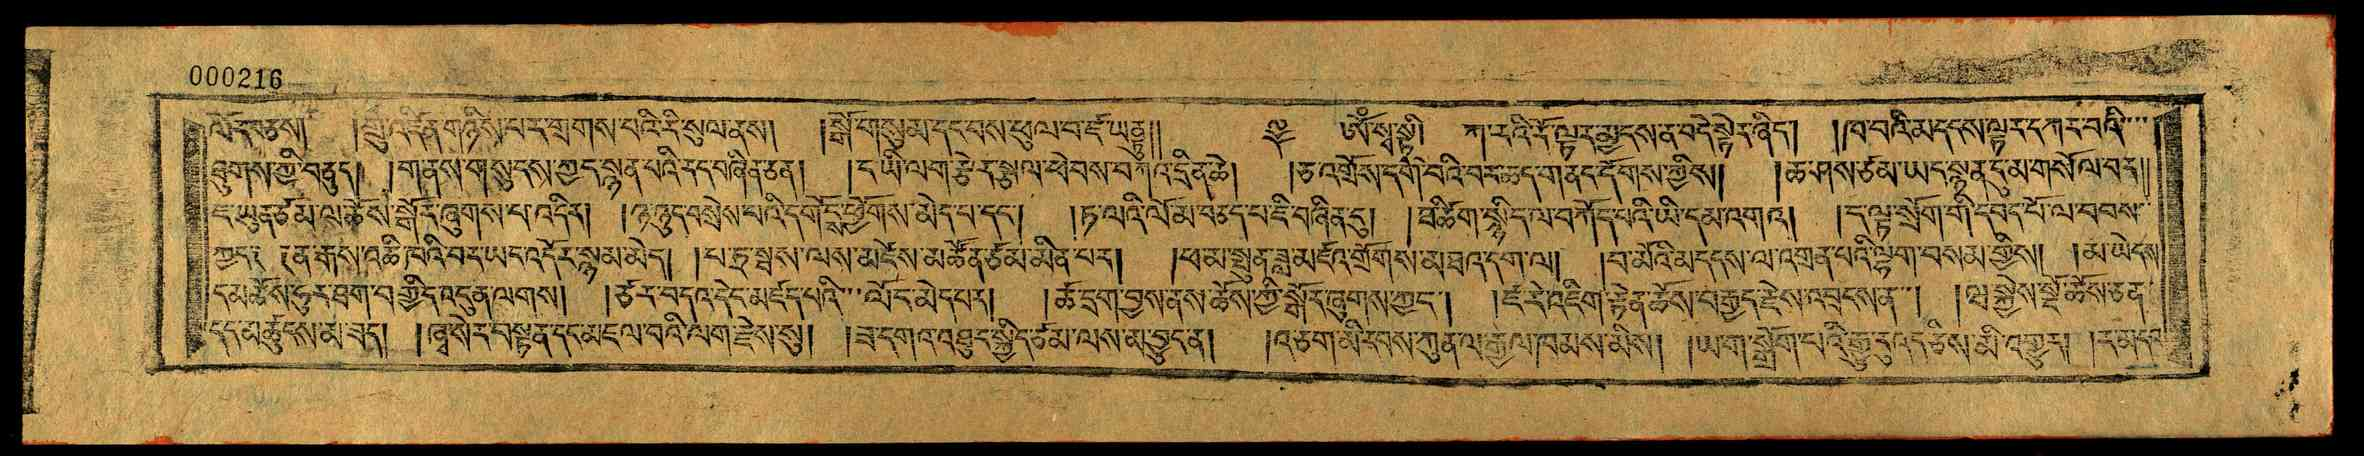ལོར་བཅས། །གྲུ་འཛིན་གཉིས་པར་གྲགས་པའི་རི་སུལ་ནས། །སྒོ་གསུམ་དྭང་བས་ཕུལ་བ་ཛ་ཡནྟུ།། འ་ཨོཾ་སྭསྟི། ཀ་རའི་རོ་ལྟར་མྱངས་ན་བདེ་སྟེར་ཞིང་། །ཁ་བའི་མདངས་ལྟར་དཀར་བའི་
ཐུགས་ཀྱི་བཅུད། །ག་ནས་གསུངས་ཀྱང་སྙན་པའི་རང་བཞིན་ཅན། །ང་ཡི་ལག་རྩེར་སྩལ་ཕེབས་བཀའ་དྲིན་ཆེ། །ཅ་འགྲོས་དགེ་བའི་བར་ཆད་གནང་དོགས་ཀྱིས། །ཆ་ཤས་ཙམ་ཡང་སྙན་དུ་མ་གསོལ་བར། །
ཇ་ཡུན་ཙམ་ལ་ཆོས་སྒོར་ཞུགས་པ་འདིར། །ཉ་ཉུང་བསྲེས་པའི་དགོངས་ཕྱོགས་མེད་པ་དང་། །ཏ་ལའི་ལོ་མ་བཅད་པ་ཇི་བཞིན་དུ། །ཐ་ཚིག་སྙིང་ལ་བཀོད་པའི་ཡི་དམ་འགའ། །ད་ལྟ་སྲོག་གི་དབང་པོ་ལ་བབས་
ཀྱང༑ ༑ན་རྒས་འཆི་ཁའི་བར་ཡང་འདོར་སྙམ་མེད། །པ་ཏྲ་སྤས་ལས་མཛེས་མཆོན་ཙམ་མིན་པར། །ཕ་མ་སྤུན་ཟླ་མཛའ་གྲོགས་མཐའ་དག་ལ། །བ་མོའི་མདངས་ལ་འགྲན་པའི་ལྷག་བསམ་གྱིས། །མ་ཡེངས་
དམ་ཆོས་ཧུར་ཐོག་བགྱིང་འདུན་ལགས། །ཅོར་བདའ་དེད་མཛད་པའི་་་ལོང་མེད་པར། །ཚ་དྲག་བྱས་ནས་ཆོས་ཀྱི་སྒོར་ཞུགས་ཀྱང་། ཛ་རེ་འཇིག་རྟེན་ཆོས་བརྒྱད་རྗེས་འབྲངས་ན་་་། །ཝ་སྐྱེས་སྔོ་ཆོས་ཅན་
དང་མཚུངས་མ་ཟད། །ཞྭ་སེར་བསྟན་དང་མཇལ་བའི་ལག་རྗེས་སུ། །ཟ་དགའ་འཐུང་སྐྱིད་ཙམ་ལས་མ་བྱུང་ན། །འ་ཅག་མ་རབས་ཀུན་ལ་རྒྱལ་ཁམས་མིས། །ཡ་ག་སྒྲོག་པའི་རྒྱུ་རུའང་ཅིས་མི་འགྱུར། །ར་མདའ་